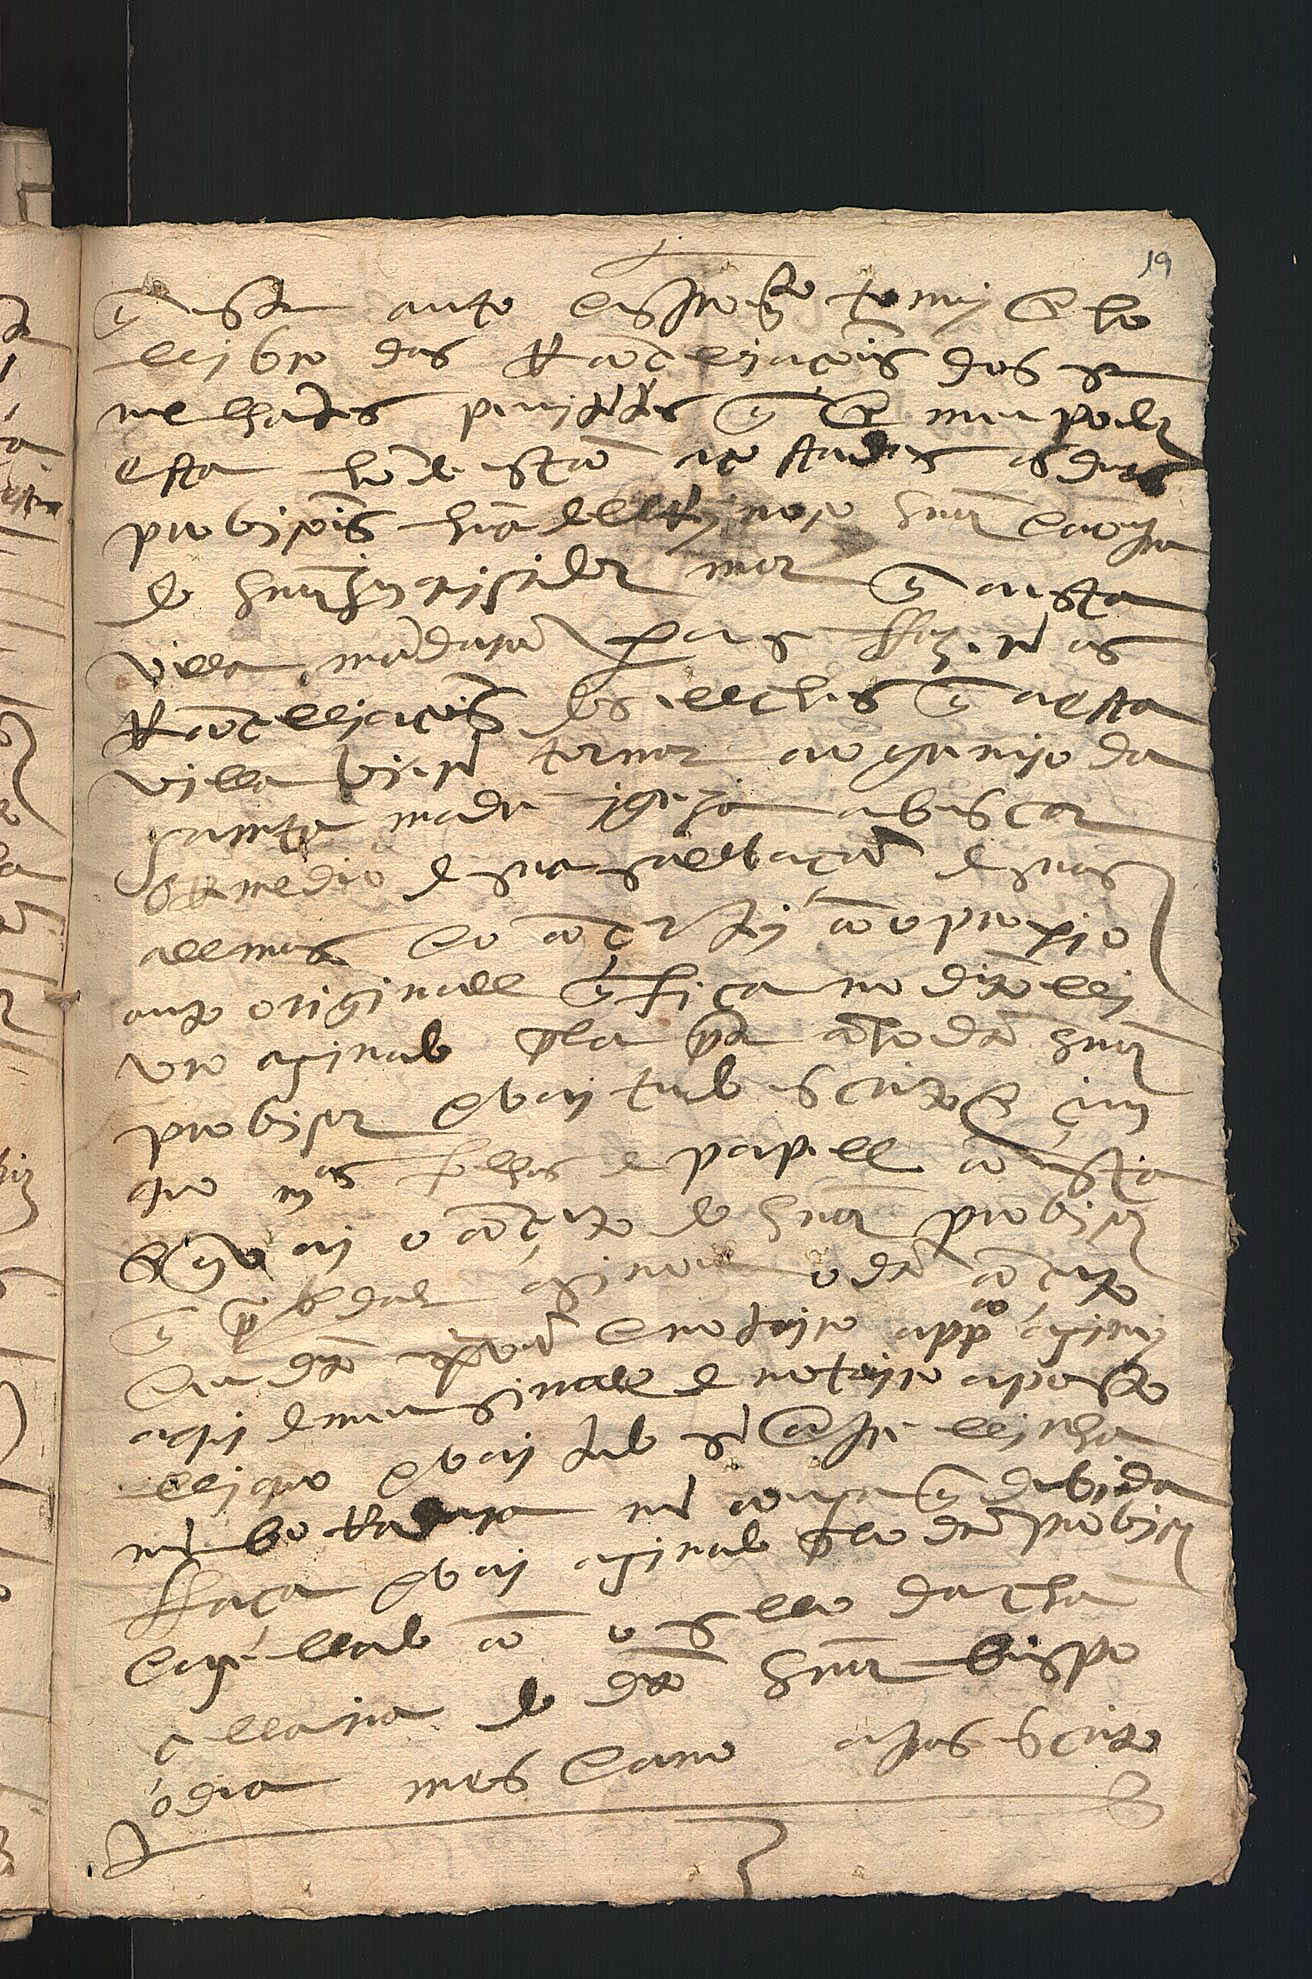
q̄ este auto e estromto tomej ē ho
lljvro das Recōciliaçoĩs dos se
melhātes penjtētes q̄ ē meu poder
esta hōde estaõ acostadas as duas
provisoĩs hūa dell Rej noso Sn̄or e a outra
do Snōr Jnqujsidor mor q̄ a esta
villa mādaraõ ꝑa se ffazerē as
Recōcilljaçoĩs dos ellches q̄ a esta
villa vierē tornar ao gremjo da
samta madre jgreJa a buscar
o Remedio de sua sallvaçaõ de suas
allmas e o c̄ocertej c̄o o propio
auto originall q̄ fica no dit̄o llj
vro asinado p̄la p̄te cō o dtō snor̄
provisor e vaj tudo escrito ē cim
quo mas folhas de papell cō esta
ē q̄ vaj o c̄ocerto do Snōr provjsor
q̄ p̄o ꝟdade asinou o dtō c̄ocerto
e eu dito esp̄vā e notajro appco asinej
aquj de meu sinall de notajro aposto
lljquo e vaj todo sē ātrelljnha
nē boRadura nē cousa q̄ duvida
ffaça e vaj asinado p̄lo dtō provisor
e asellado c̄o o sello da chā
cellaria do d̄ito Snōr bispo
o dia mes e ano atras escrito
